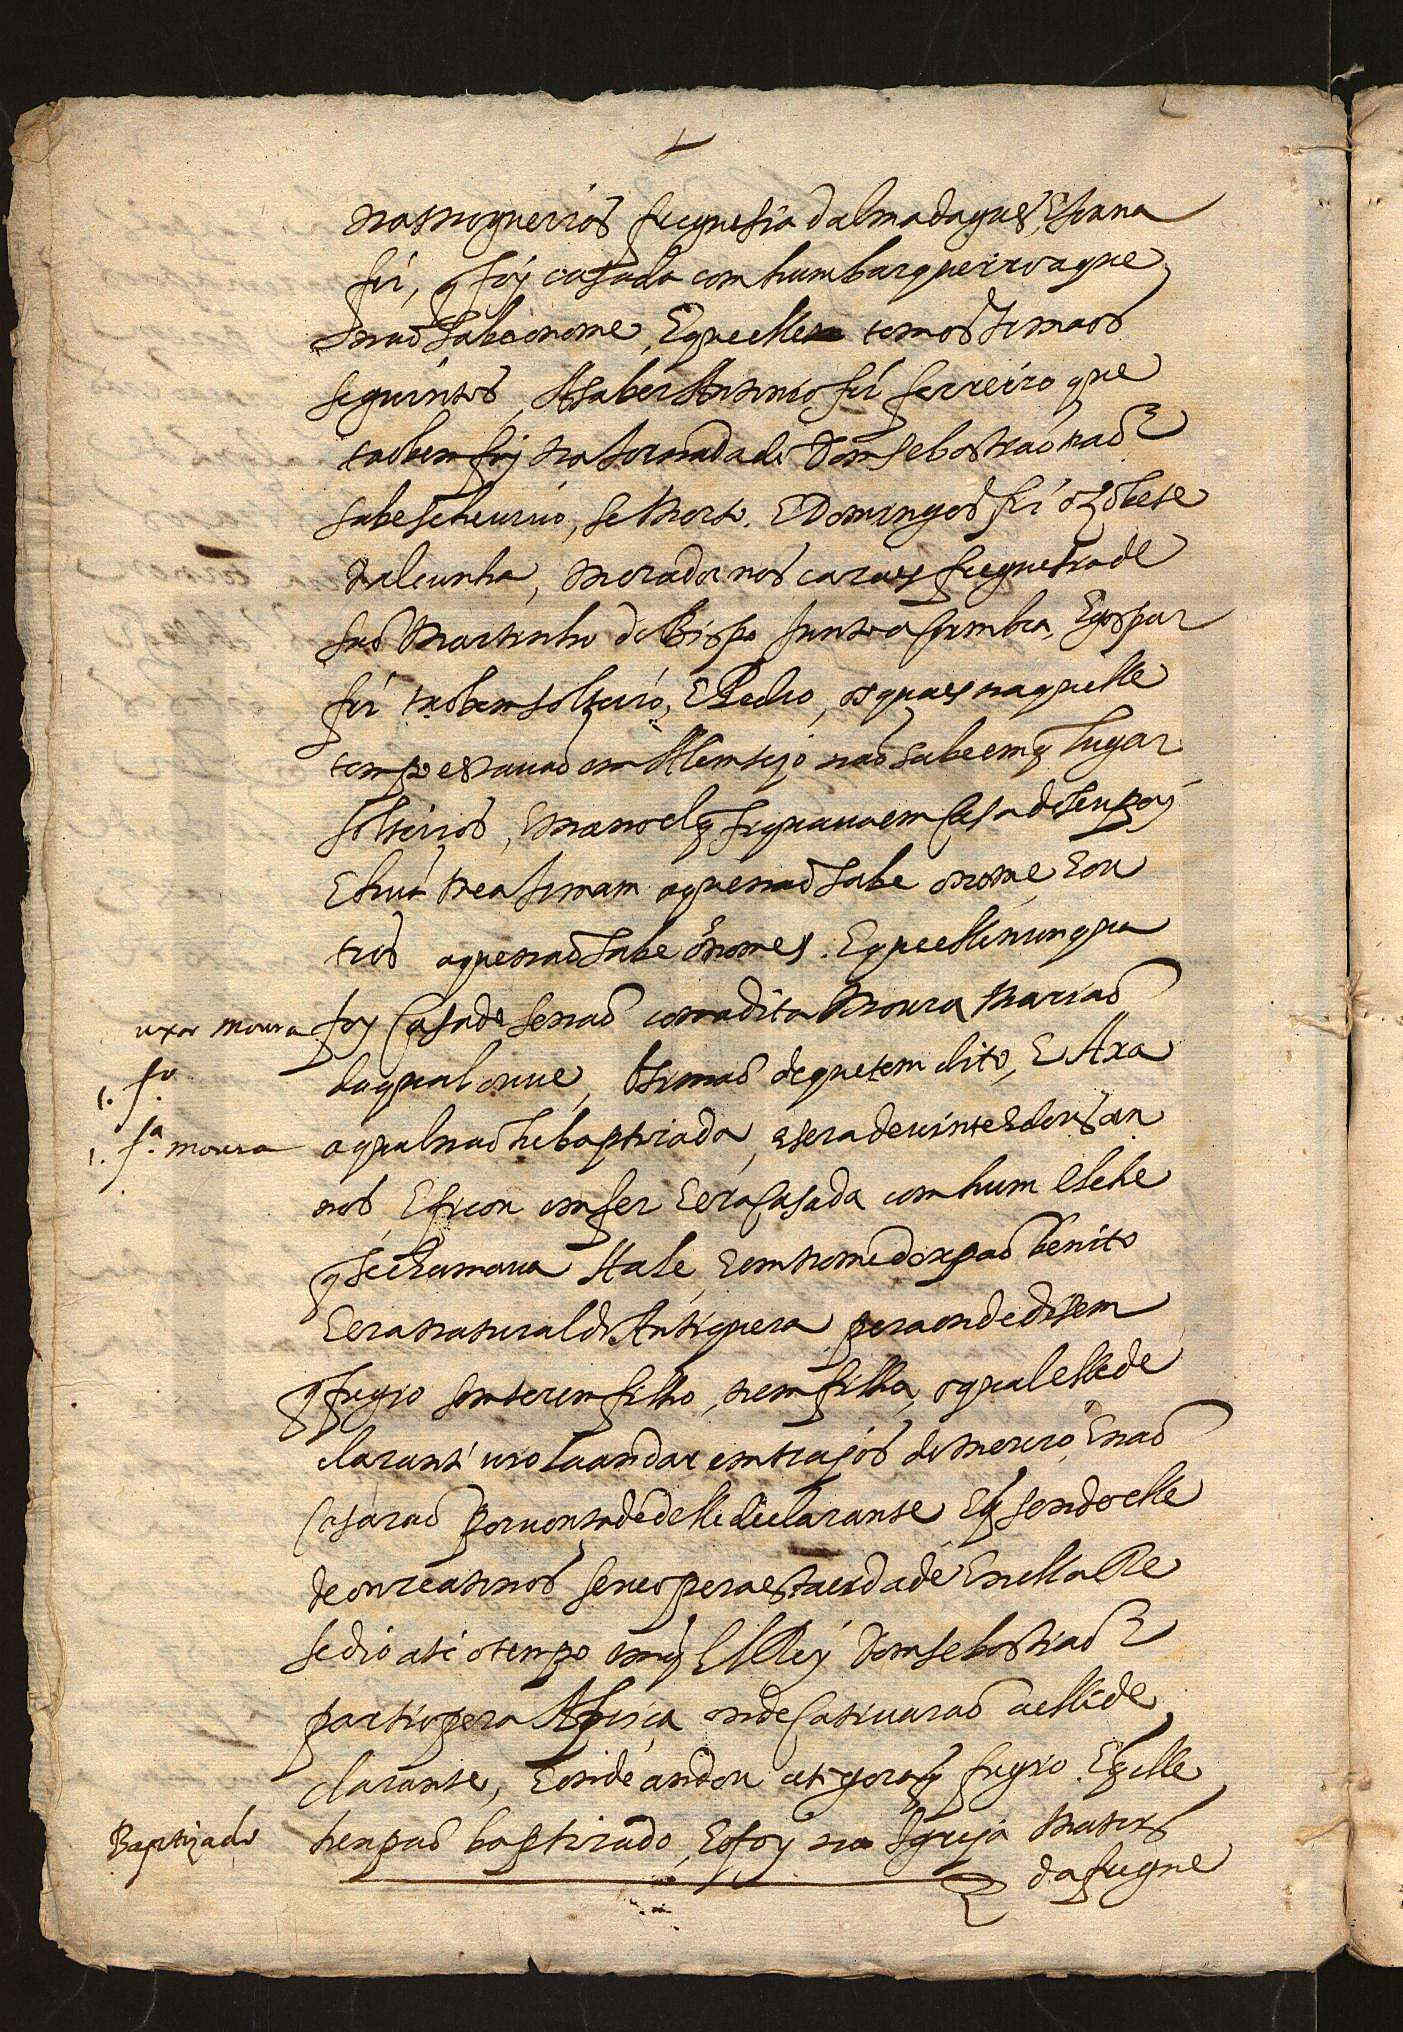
nas nogueiras freguesia dalmadagues, E Joana
frz̄, q̄ foy casada com hum barqueiro a que
naõ sabe o nome, E que elles tem os Irmaõs
seguintes, A saber Antonio frz̄ ferreiro que
taõbem foy na Iornada de Dom Sebastiaõ naõ
sabe se he uiuo, se morto. E Domingos frz̄ o Lobete
dalcunha, morador nos cazaes freguesia de
saõ Martinho do Bispo Junto a Coimbra, E gaspar
frz̄ taõbem solteiro, E Pedro, os quaes naquelle
tempo estauaõ em Alemtejo naõ sabe em q̄ lugar
solteiros, E manoel q̄ fiquaua em Casa de seu paj
E huā mea Jrmam a que naõ sabe o nome, E ou
tros a que naõ sabe os nomes. E que elle nunqua
foy Casado senaõ com a dita Moura Mariaõ
uxor moura
da qual ouue, o simaõ de que tem dito, E Axa
1. f.o
a qual naõ he baptizada, E sera de uinte E dous an
1. f.a moura
nos, E ficou em fez E era Casada com hum Elche
q̄ se chamaua Hale, E em nome de xpaõ benito
E era natural de Antiquera, pera onde disem
q̄ fugio sem terem filho, nem filha, o qual elle de
clarante uio la andar em trajos de mouro, E naõ
Casaraõ por uontade delle declarante E q̄ sendo elle
de onze annos se ueo pera esta cidade E nella Re
sedio ate o tempo em q̄ El Rey Dom Sebastiaõ
partio pera Africa onde Catiuaraõ a elle de
clarante, E onde andou ate gora q̄ fugio. E q̄ elle
he xpaõ baptizado, E o foy na Igreja Matris
Baptizado
da fregue
